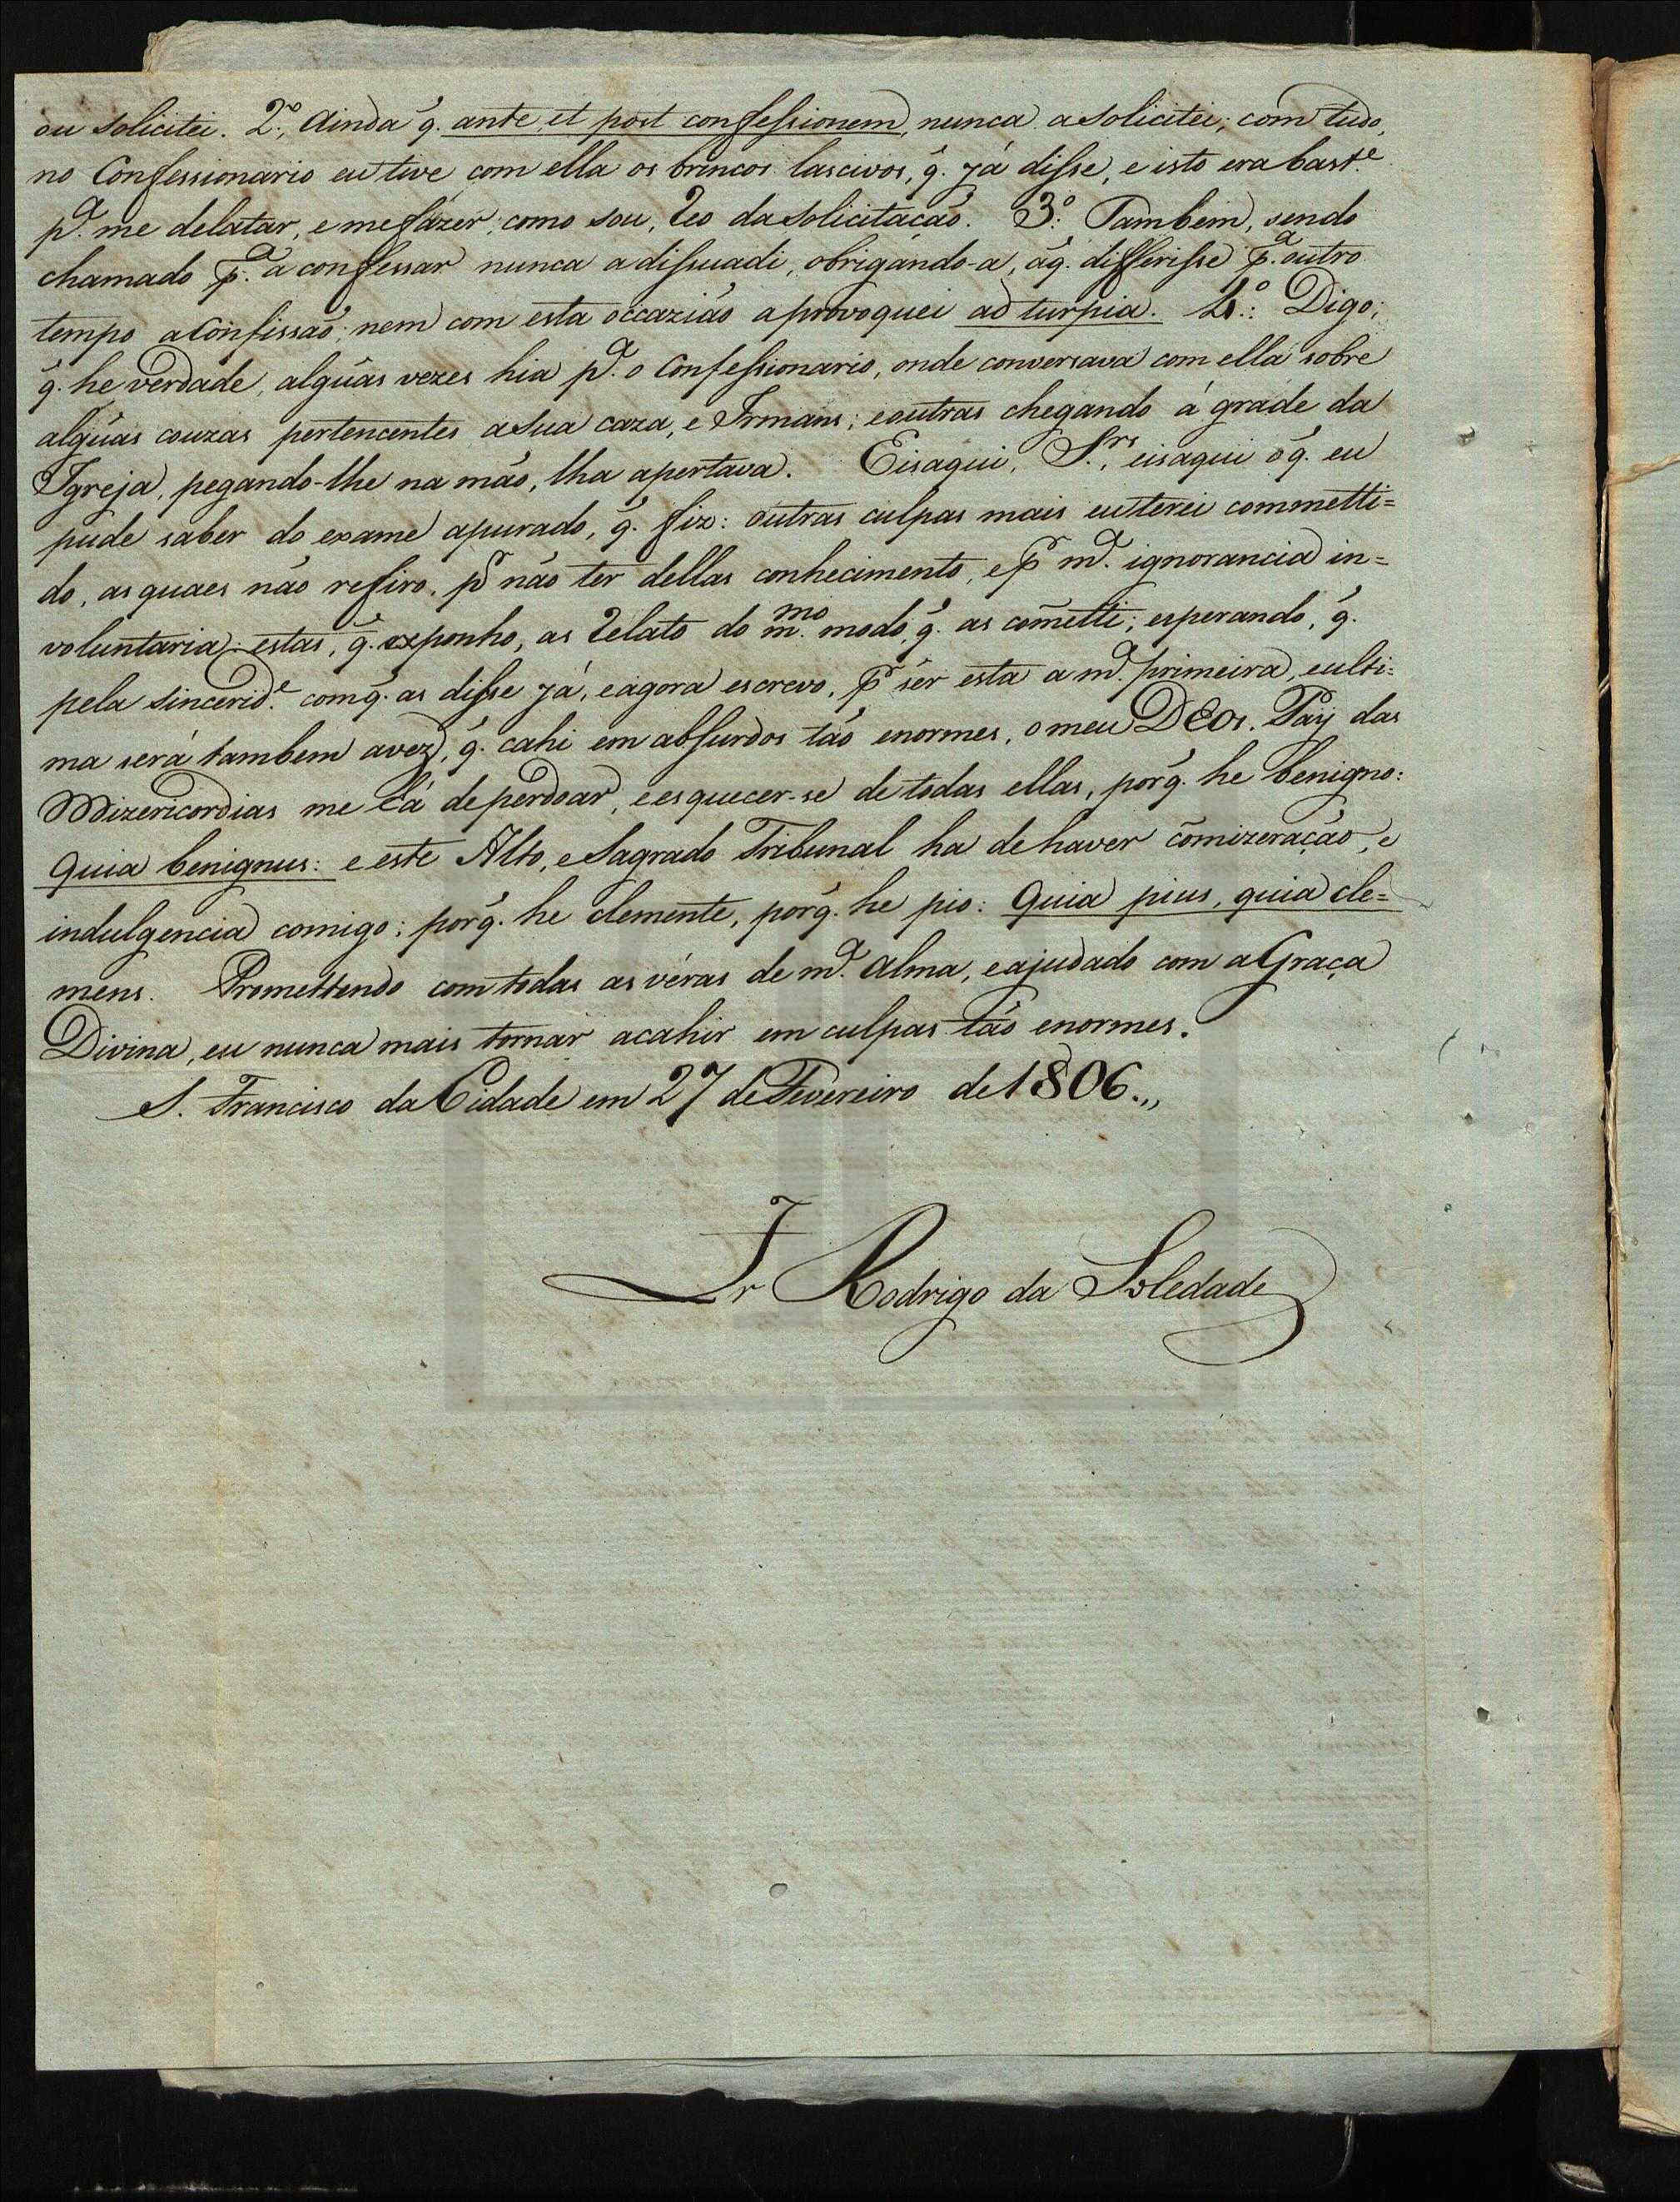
ou solicitei. 2.º, ainda q̄ ante, et post confessionem, nunca a solicitei; comtudo
no Confessionario eu tive com ella os brincos lascivos, q̄ já disse, e isto era bast.e
p.a me delatar, e me fazer como sou, Reo da solicitaçaõ. 3.º Tambem, sendo
chamado p.a a confessar nunca a dissuadi, obrigando-a, a q̄ differisse p.a outro
tempo a confissaõ, nem com esta occazião a provoquei ad turpia. 4.º: Digo;
q̄ he verdade, alguās vezes hia p.a o confessionario, onde conversava com ella sobre
algūas couzas pertencentes a sua caza, e Irmans; e outras chegando á grade da
Igreja, pegando-lhe na mão, lha apertava. Eis aqui S.rs, eis aqui o q̄ eu
pude saber do exame apurado, q̄ fiz: outras culpas mais eu terei commetti
do, as quaes não refiro, p.r naõ ter dellas conhecimento, e p.r m.a ignorancia in
voluntaria estas, q̄ exponho, as Relato do m.mo modo q̄ as com̄etti; esperando, q̄
pela sincerid.e com q̄ as disse já, e agora escrevo, p.r ser esta a m.a primeira, e ulti
ma será tambem a vez, q̄ cahi em absurdos taõ enormes, o meu Deos. Pay das
mizericordias me há de perdoar, e esquecer-se de todas ellas, porq̄ he benigno:
Quia benignus: e este Alto e Sagrado Tribunal ha de haver cōmizeração, e
indulgencia comigo: porq̄ he clemente, porq̄ he pio. Quia pius, quia cle
mens. Promettendo com todas as véras de m.a alma, e ajudado com a Graça
Divina, eu nunca mais tornar a cahir em culpas taõ enormes.
S. Francisco da Cidade em 27 de Fevereiro de 1806.
Fr Rodrigo da Soledade
